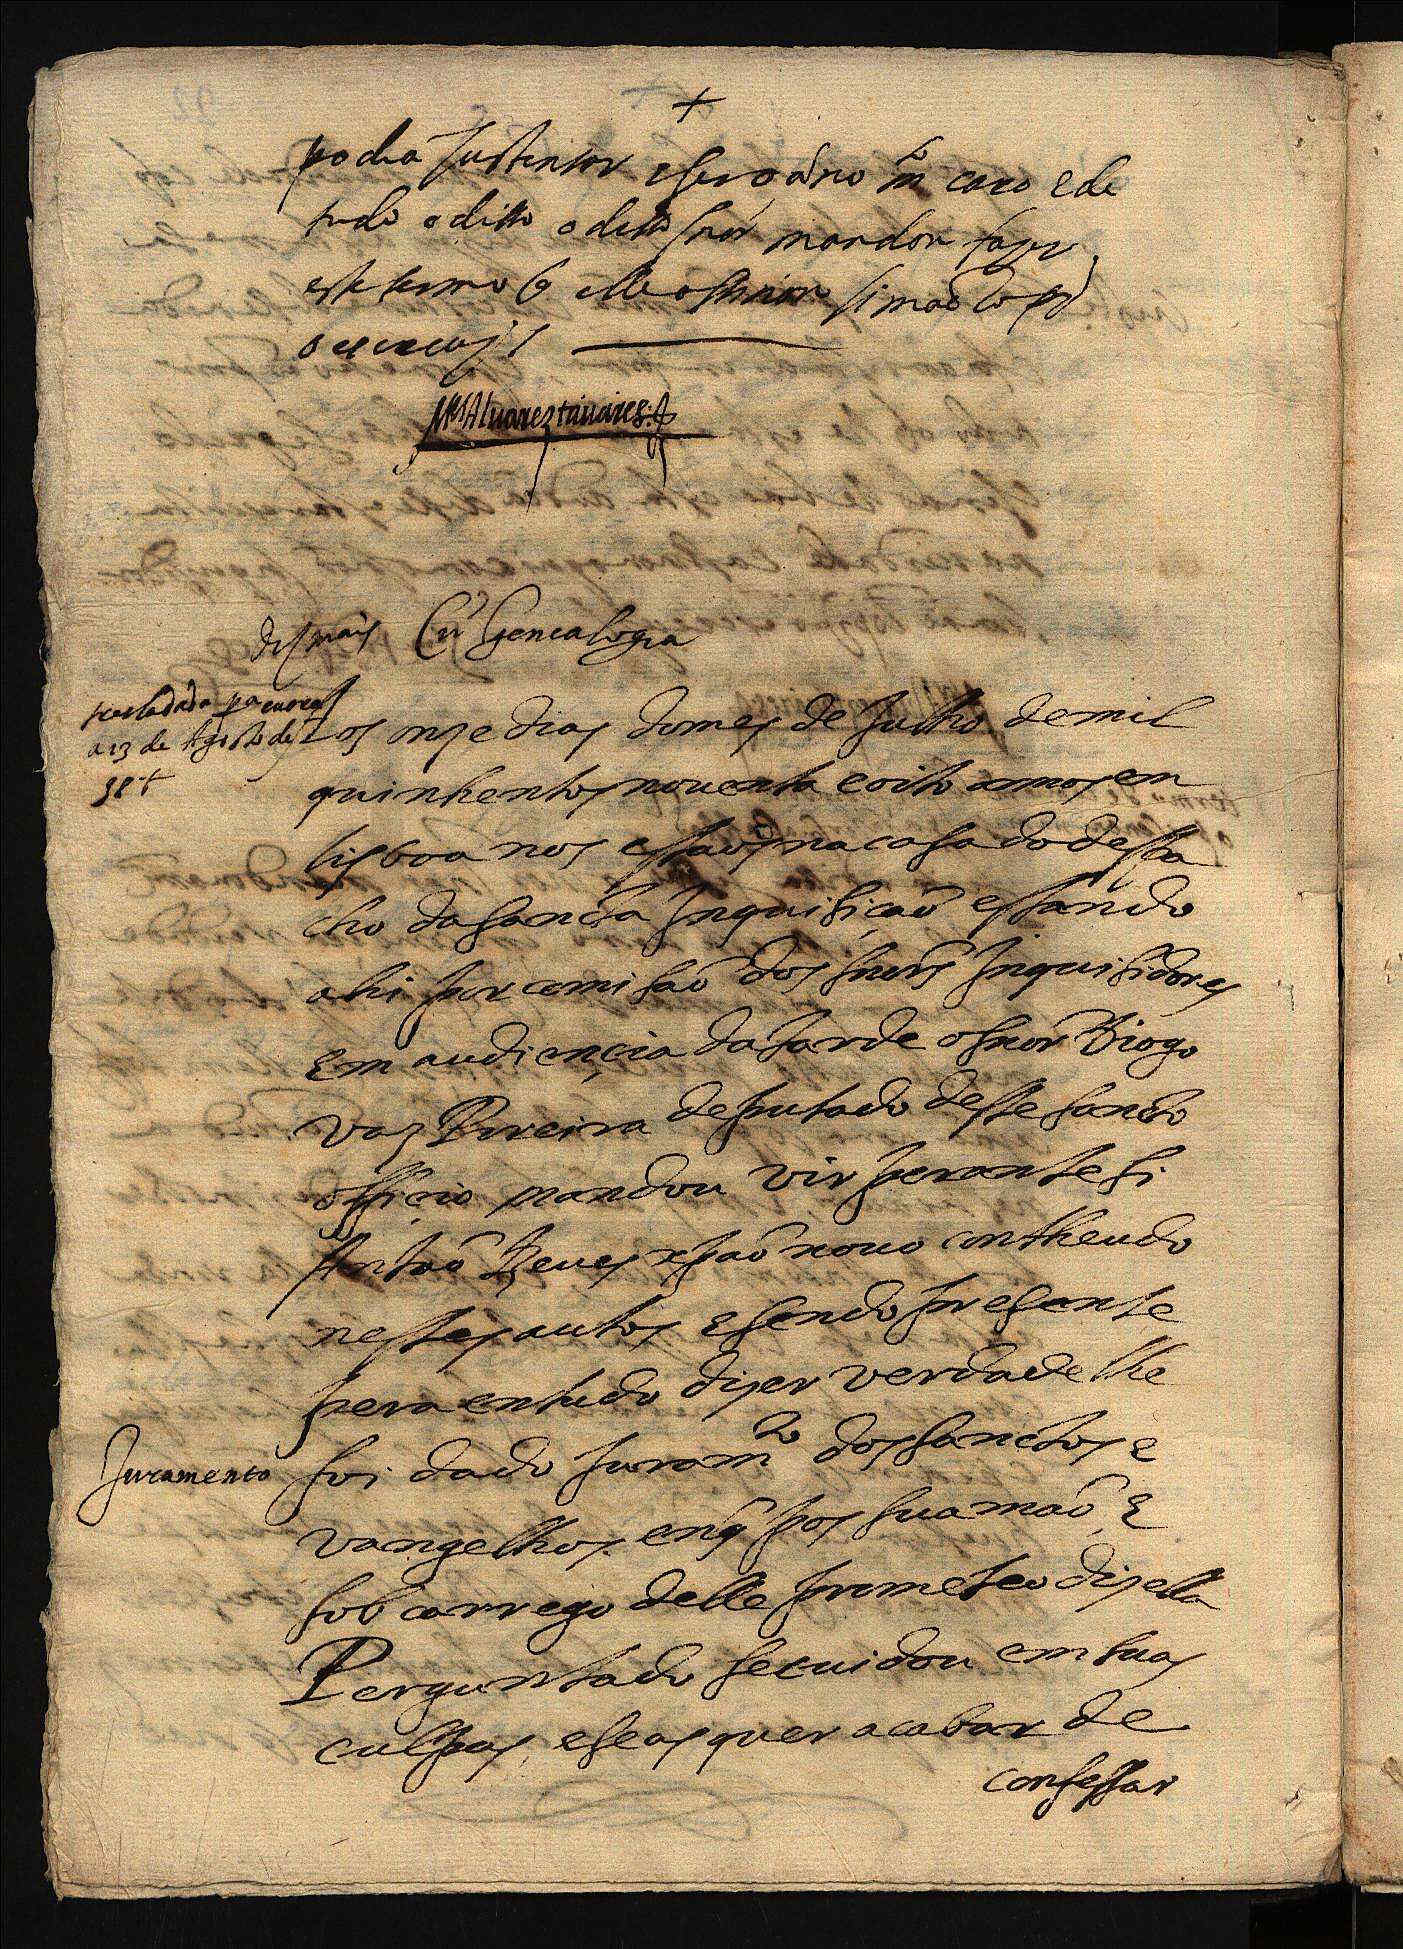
podia sustentar E ser o āno mto caro e de
tudo o ditto o ditto snor̄ mandou fazer
este termo q̄ elle assinou simaõ lopez
o escreuj
diz mais Cū Genealogia
Aos onze dias do mes de Julho de mil
quinhentos nouenta e oito annos em
lisboa nos estaos na casa do despa
cho da sancta Jnquisiçaõ estando
ahi por comisaõ dos snors̄ Jnquisidores
Em audiençia da tarde o snor̄ Diogo
Vaz Pereira deputado deste sancto
offiçio mandou vir perante si
Antaõ Reues xpaõ nouo contheudo
nestes autos E sendo presente
pera en tudo dizer verdade lhe
foi dado Juramto dos sanctos E
vangelhos en q̄ pos sua maõ, E
sob carrego delle prometeo dizella
Perguntado se cuidou em suas
culpas, e se as quer acabar de
confessar
tresladada ꝑa euora
a 13 de Agosto de
98 -/-
Juramento
